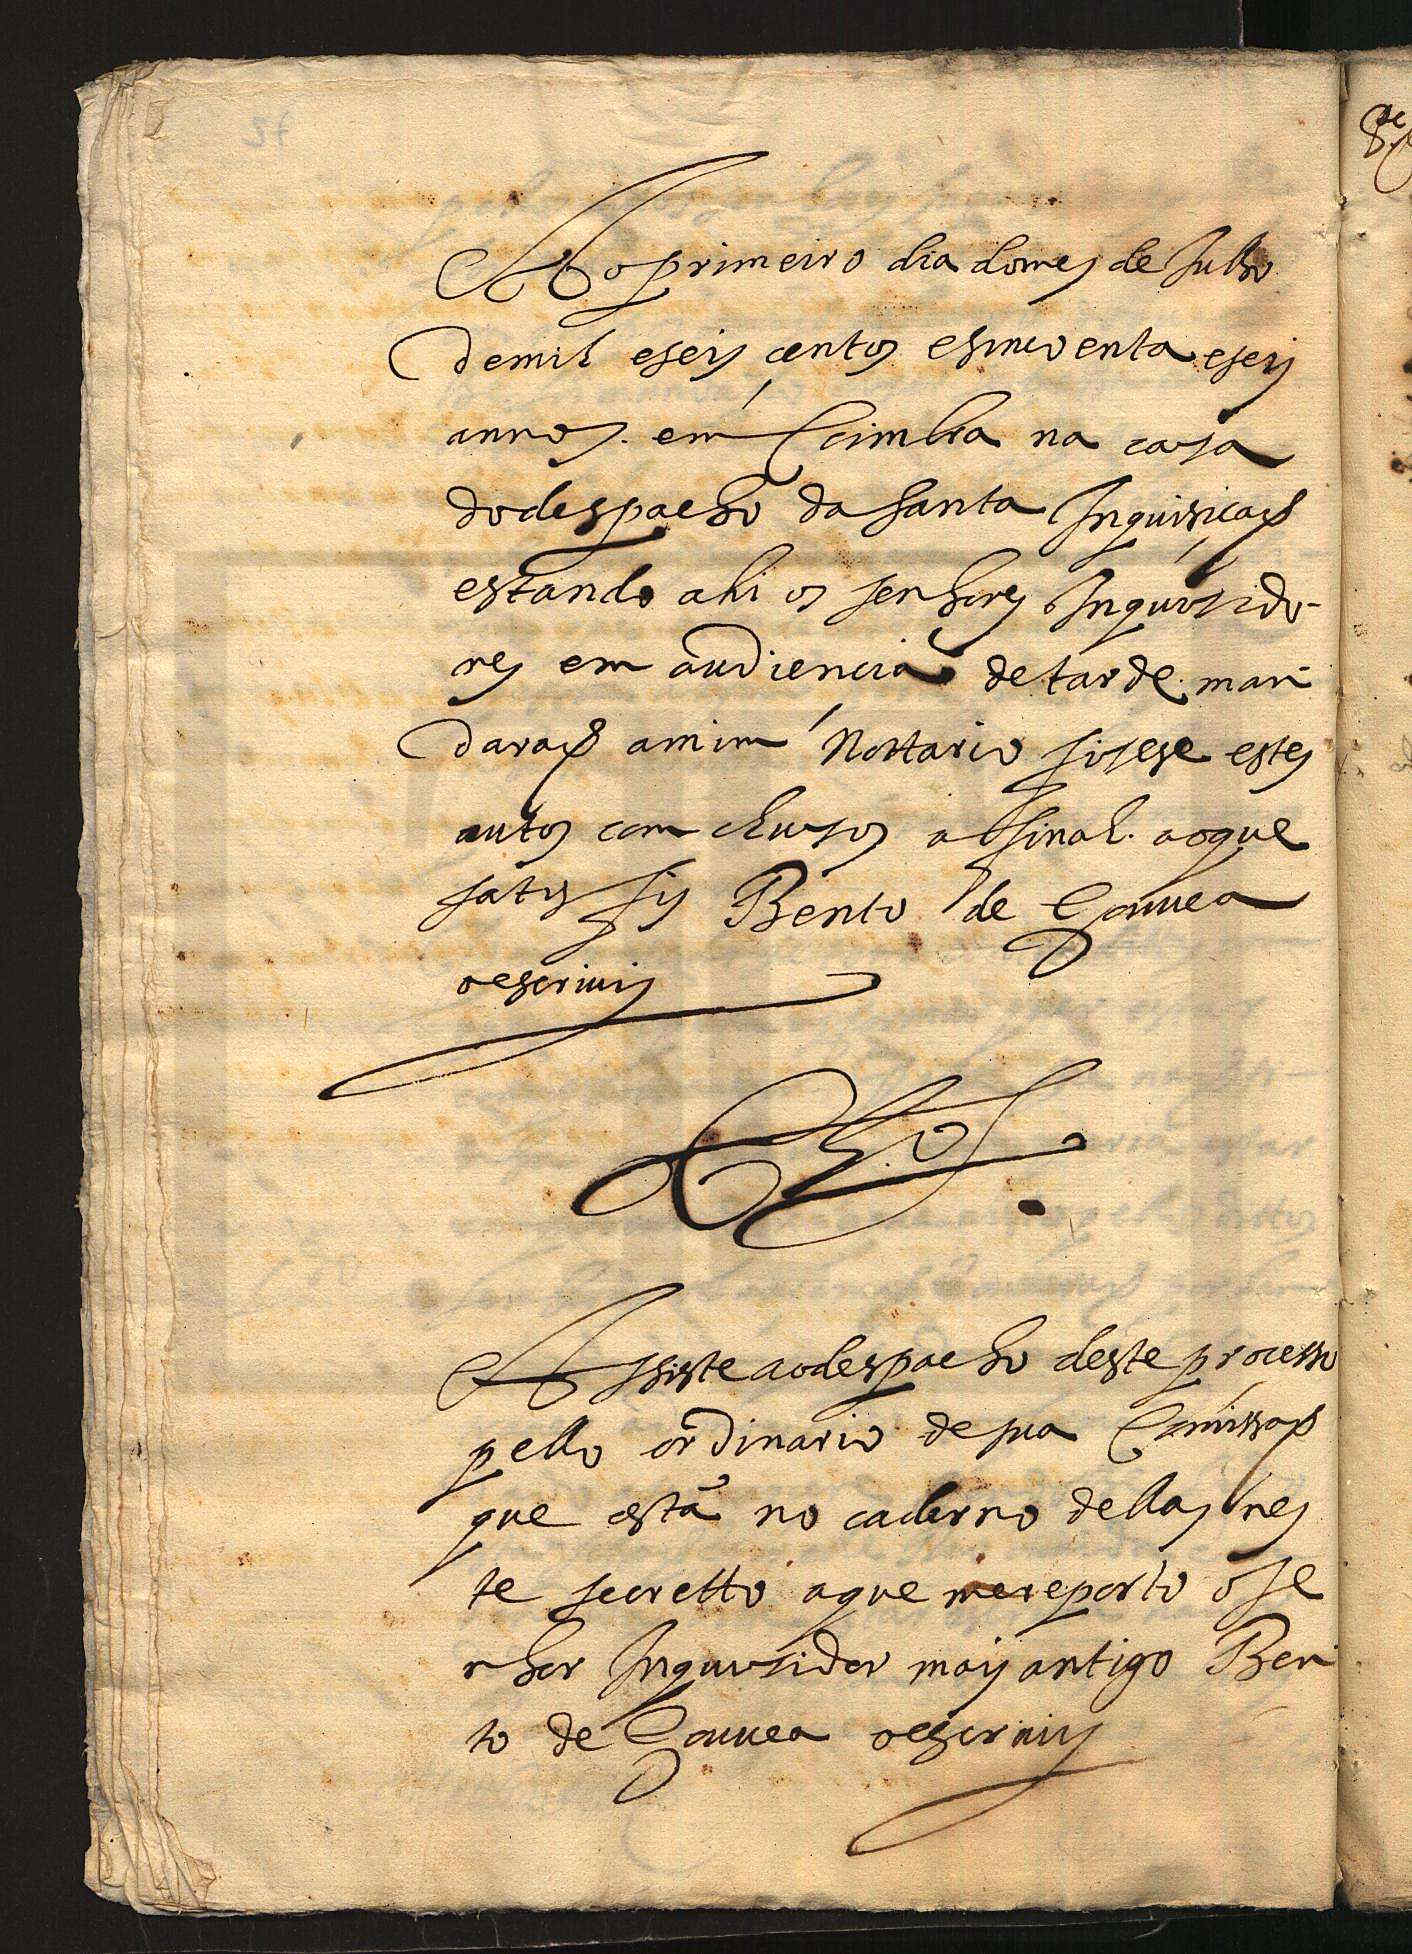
Ao primeiro dia do mes de Julho
de mil e seiscentos e sincoenta e seis
annos em Coimbra na caza
do despacho da santa Jnquisiçaõ
estando ahi os senhores Jnquizido
res em audiencia de tarde, man
daraõ a mim nottario fizese estes
autos comclusos afinal. ao que
satisfiz Bento de Gouuea
o escriuy
CL.o
Assiste ao despacho deste processo
pello ordinario de sua Comissaõ
que está no caderno dellas nes
te secretto a que me reporto o Se
nhor Jnquizidor mais antigo Ben
to de Gouuea o escreuy
